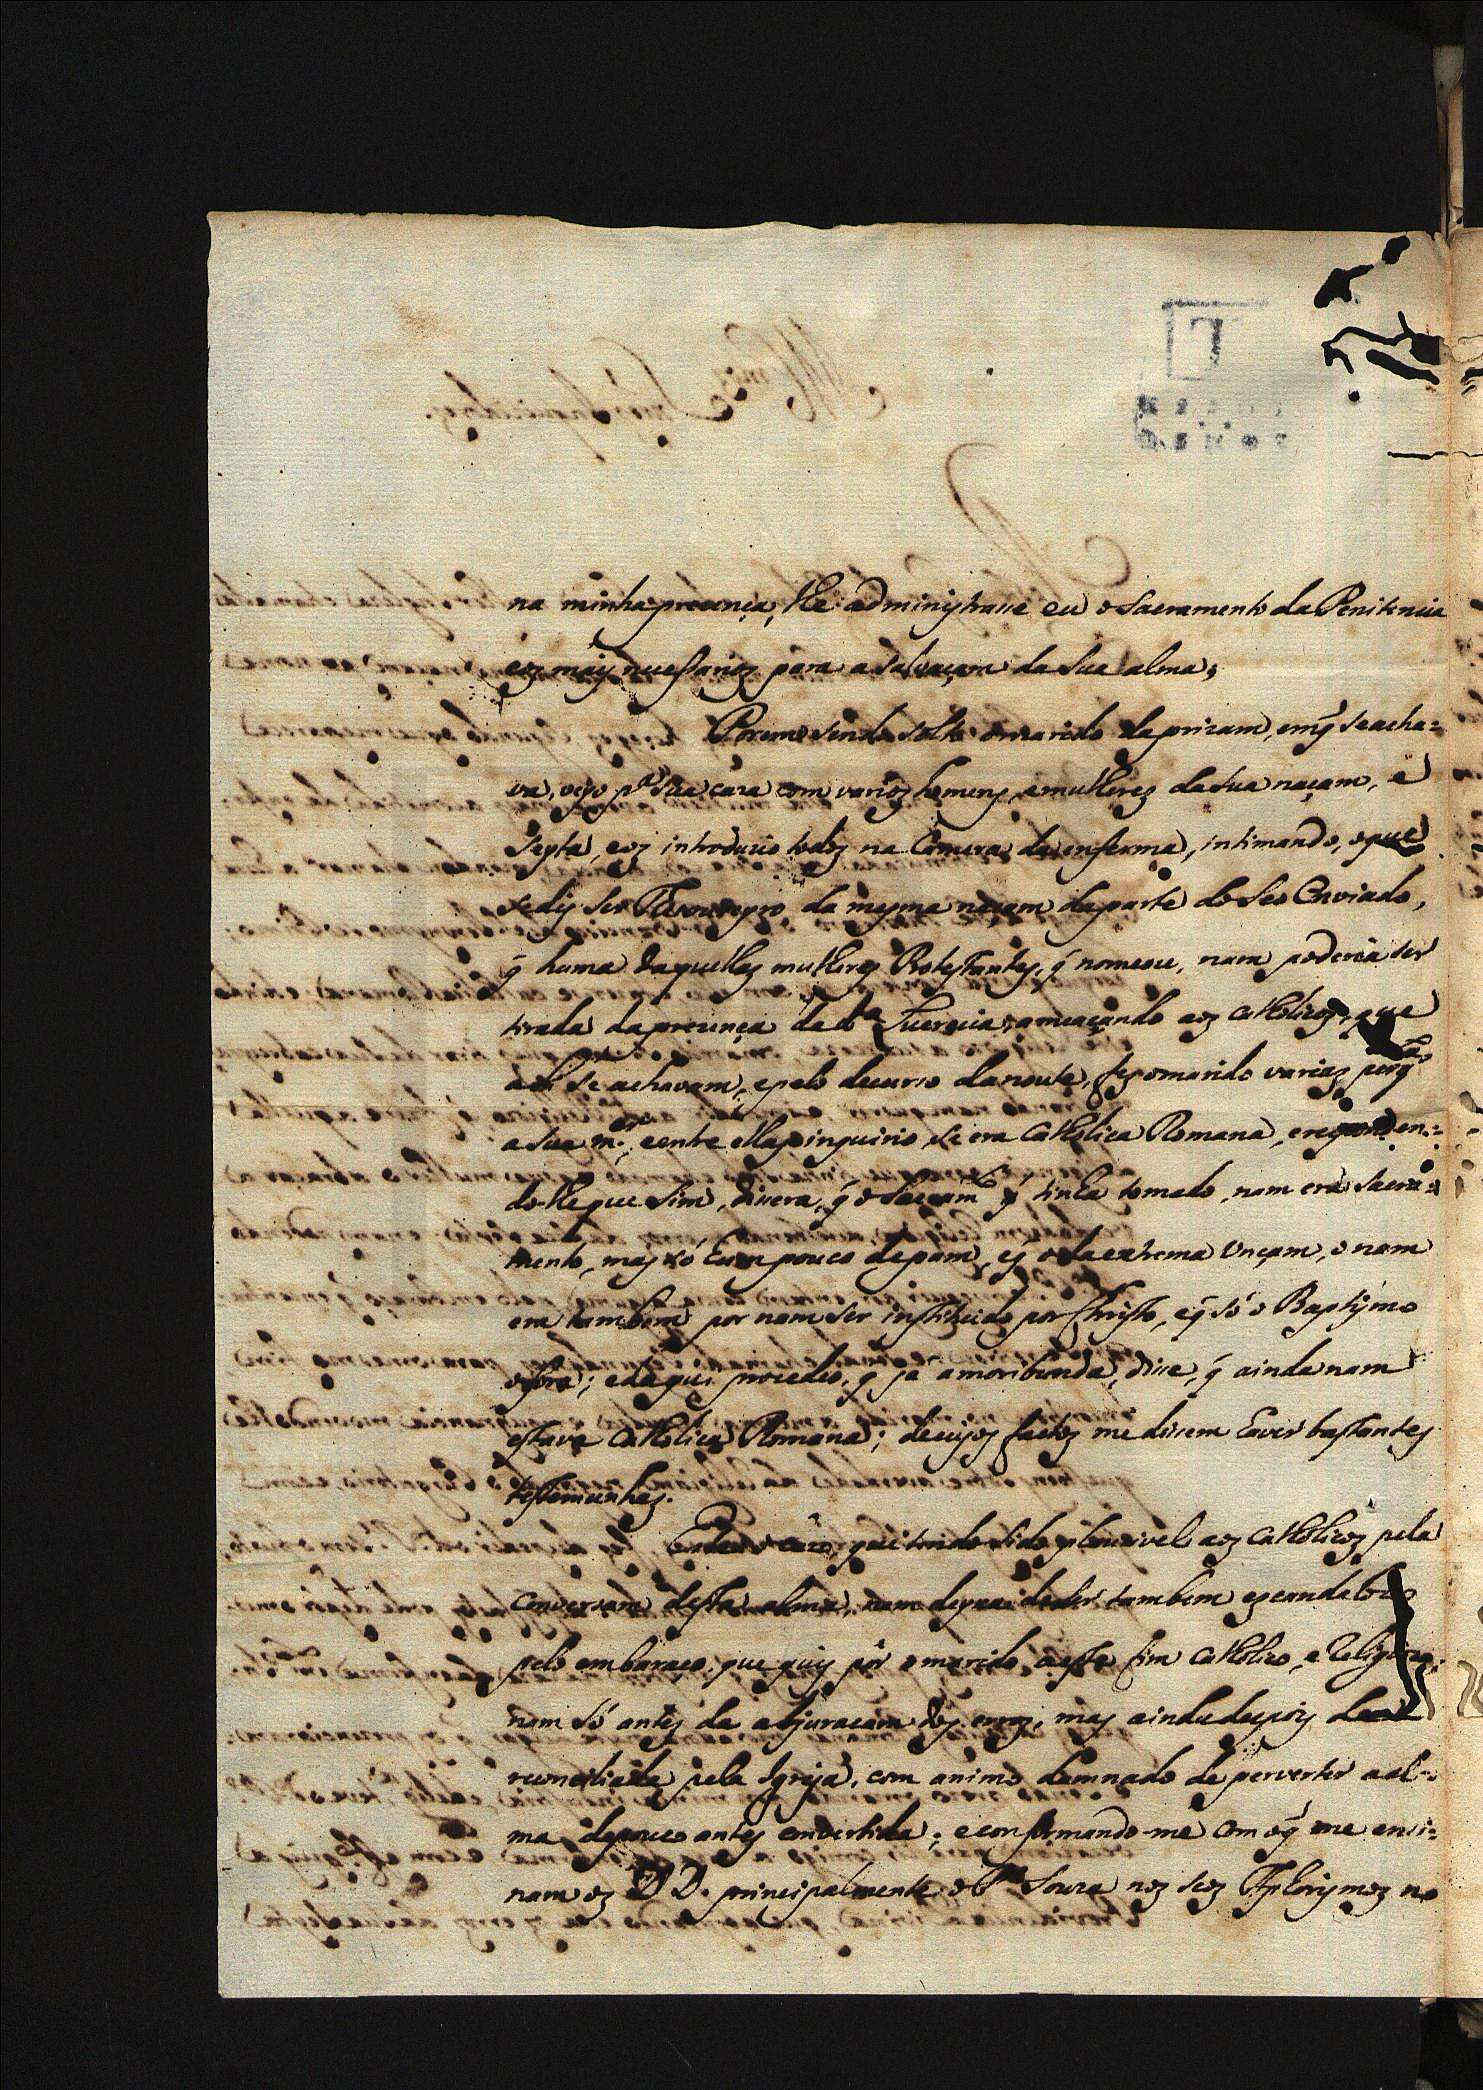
na minha prezença, lhe administrasse eu o Sacramento da Penitencia
e oz mais necessarioz para a salvaçam da sua alma,
Porem sendo solto o marido da prizam, em q̄ se acha
va, veyo p.a sua caza com varioz homens, e mulherez da sua naçam, e
seyta, e oz introduzio todoz na Camera da enferma, intimando, o que
se dis ser Thezoureyro da mesma naçam da parte do Seo Enviado,
q̄ huma daquellaz mulheres Protestantes, q̄ nomeou, nam poderia ser
tirada da prezença da da Lucrecia, amençando aoz catholicoz, que
ali se achavam, e pelo decurso da noute, fez o marido variaz pergtas
a sua m.er, e entre ellas inquirio se era Catholica Romana, e responden
dolhe que Sim, dissera q̄ o Sacram.to q̄ tinha tomado, nam era Sacra
mento, mas só hum pouco de pam, e q̄ o da extrema Vnçam, o nam
era tambem por nem ser instituido por Christo, e q̄ só o Baptismo
o fora; e daqui procedeo, q̄ já a moribunda, disse, q̄ ainda nam
estava catholica Romana; de cujos factoz me dissem haver bastantes
testemunhaz.
E deu o caso, que tendo sido plauzivel aoz catholicoz pela
conversam desta alma, nam deyxa de ser tambem ezcandalozo
pelo embaraço, que quis pôr o marido a este fim catholico, e Religiozo
nam só antes da abjuraçam dos erroz, mas ainda despois de
reconciliada pela Igreja, com animo damnado de perveter a al
ma de pouco antes convertida; e conformando-me com o q̄ me ensi
nam oz D D. principalmente o P.e Souza noz seoz Aphorismoz no
